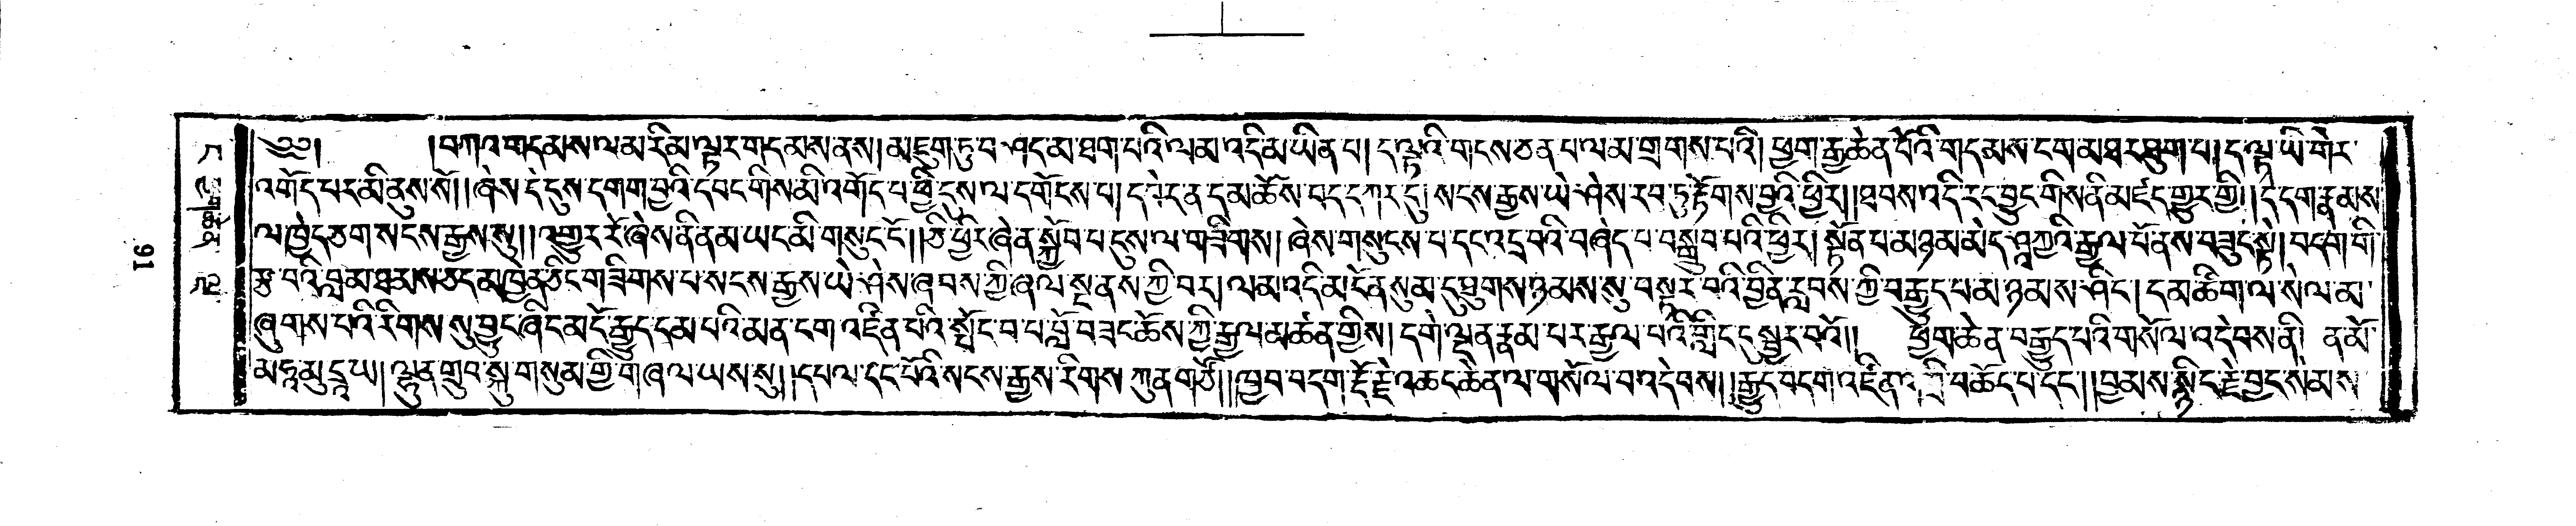༄༅། །བཀའ་གདམས་ལམ་རིམ་ལྟར་གདམས་ནས། མཇུག་ཏུ་བཤད་མ་ཐག་པའི་ལམ་འདི་མ་ཡིན་པ། ད་ལྟའི་གངས་ཅན་པ་ལ་མ་གྲགས་པའི། ཕྱག་རྒྱ་ཆེན་པོའི་གདམས་ངག་མཐར་ཐུག་པ། ད་ལྟ་ཡི་གེར་
འགོད་པར་མི་ནུས་སོ། །ཞེས་དེ་དུས་དགག་བྱའི་དབང་གིས་མི་འགོད་པ་ཕྱི་དུས་ལ་དགོངས་པ། དཔེར་ན་དམ་ཆོས་པད་དཀར་དུ། སངས་རྒྱས་ཡེ་ཤེས་རབ་ཏུ་རྟོགས་བྱའི་ཕྱིར། །ཐབས་འདི་རང་བྱུང་གིས་ནི་མཛད་གྱུར་གྱི། །དེ་དག་རྣམས་
ལ་ཁྱེད་ཅག་སངས་རྒྱས་སུ། །འགྱུར་རོ་ཞེས་ནི་ནམ་ཡང་མི་གསུང་ངོ། །ཅི་ཕྱིར་ཟེ་ན་སྐྱྦོ་པ་དུས་ལ་གཟིགས། ཞེས་གསུངས་པ་དང་འདྲ་བའི་བཞེད་པ་བསྒྲུབ་པའི་ཕྱིར། སྟོན་པ་མཉམ་མེད་ཤཱཀྱའི་རྒྱལ་པོ་ནས་བཟུང་སྟེ། བདག་གི་
རྩ་བའི་བླ་མ་ཐམས་ཅད་མཁྱེན་ཅིང་གཟིགས་པ་སངས་རྒྱས་ཡེ་ཤེས་ཞབས་ཀྱི་ཞལ་སྔ་ནས་ཀྱི་བར། ལམ་འདི་མངོན་སུམ་དུ་ཐུགས་ཉམས་སུ་བསྟར་བའི་བྱིན་རླབས་ཀྱི་བརྒྱུད་པ་མ་ཉམས་ཤིང་། དམ་ཚིག་ལ་སེལ་མ་
ཞུགས་པའི་རིགས་སུ་བྱུང་ཞིང་མདོ་རྒྱུད་དམ་པའི་མན་ངག་འཛིན་པའི་སྤོང་བ་པ་བློ་བཟང་ཆོས་ཀྱི་རྒྱལ་མཚན་གྱིས། དགེ་ལྡན་རྣམ་པར་རྒྱལ་བའི་གླིང་དུ་སྦྱར་བའོ། །ཕྱག་ཆེན་བརྒྱུད་པའི་གསོལ་འདེབས་ནི། ན་མོ་
མ་ཧཱ་མུ་དྲཱ་ཡ། ལྷུན་གྲུབ་སྐུ་གསུམ་གྱི་གཞལ་ཡས་སུ། །དཔལ་དང་པོའི་སངས་རྒྱས་རིགས་ཀུན་གཙོ། །ཁྱབ་བདག་རྡོ་རྗེ་འཆང་ཆེན་ལ་གསོལ་བ་འདེབས། །རྒྱུད་བདག་འཛིན་འཁྲི་བ་ཆོད་པ་དང་། །བྱམས་སྙིང་རྗེ་བྱང་སེམས་